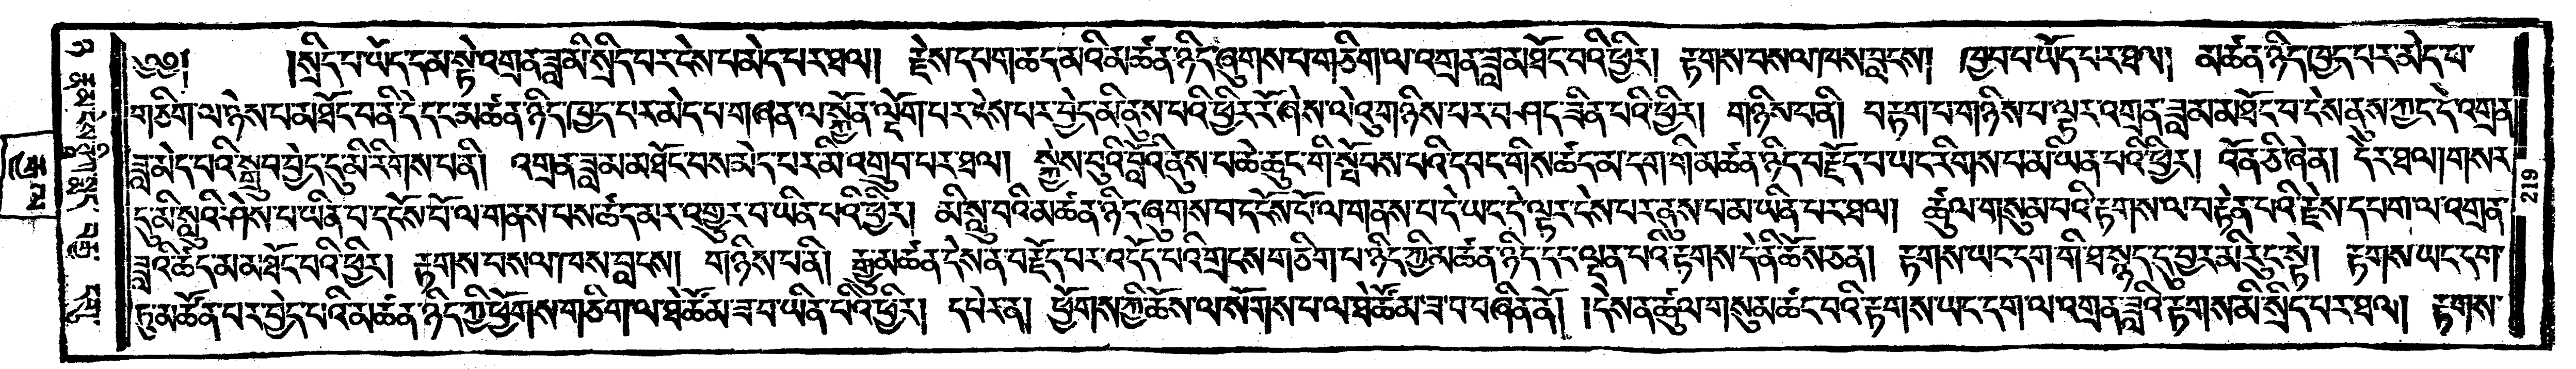༄༅། །སྲིད་པ་ཡོད་དམ་སྟེ་འགྲན་ཟླ་མི་སྲིད་པར་ངེས་པ་མེད་པར་ཐལ། རྗེས་དཔག་ཆད་མའི་མཚན་ཉིད་ཞུགས་པ་གཅིག་ལ་འགྲན་ཟླ་མཐོང་བའི་ཕྱིར། རྟགས་བསལ་ཁས་བླངས། ཁྱབ་པ་ཡོད་པར་ཐལ། མཚན་ཉིད་ཁྱད་པར་མེད་པ་
གཅིག་ལ་ཉེས་པ་མཐོང་བ་ནི་དེ་དང་མཚན་ཉིད་ཁྱད་པར་མེད་པ་གཞན་ལ་སྐྱོན་ལྡོག་པར་ངེས་པར་བྱེད་མི་ནུས་པའི་ཕྱིར་རོ་ཞེས་ལེའུ་གཉིས་པར་བཤད་ཟིན་པའི་ཕྱིར། གཉིས་པ་ནི། བརྟག་པ་གཉིས་པ་ལྟར་འགྲན་ཟླ་མ་མཐོང་བ་ངེས་ནུས་ཀྱང་དེ་འགྲན་
ཟླ་མེད་པའི་སྒྲུབ་བྱེད་དུ་མི་རིགས་པ་ནི། འགྲན་ཟླ་མ་མཐོང་བས་མེད་པར་མི་འགྲུབ་པར་ཐལ། སྐྱེས་བུའི་བློའི་ནུས་པ་ཆེ་ཆུང་གི་སྤོབས་པའི་དབང་གིས་ཚད་མ་དག་གི་མཚན་ཉིད་བརྗོད་པ་ཡང་རིགས་པ་མ་ཡིན་པའི་ཕྱིར། འོ་ན་ཅི་ཞེ་ན། དེར་ཐལ། གསར་
དུ་མི་སླུའི་ཤེས་པ་ཡིན་པ་དངོས་པོ་ལ་གནས་པས་ཚད་མར་འགྱུར་བ་ཡིན་པའི་ཕྱིར། མི་སླུ་བའི་མཚན་ཉིད་ཞུགས་པ་དངོས་པོ་ལ་གནས་པ་དེ་ཡང་དེ་ལྟར་ངེས་པར་ནུས་པ་མ་ཡིན་པར་ཐལ། ཚུལ་གསུམ་པའི་རྟགས་ལ་བརྟེན་པའི་རྗེས་དཔག་ལ་འགྲན་
ཟླའི་ཚད་མ་མཐོང་བའི་ཕྱིར། རྟགས་བསལ་ཁས་བླངས། གཉིས་པ་ནི། རྒྱུ་མཚན་དེས་ན་བརྗོད་པར་འདོད་པའི་གྲངས་གཅིག་པ་ཉིད་ཀྱི་མཚན་ཉིད་དང་ལྡན་པའི་རྟགས་དེ་ནི་ཆོས་ཅན། རྟགས་ཡང་དག་གི་ཐ་སྙད་དུ་བྱར་མི་རུང་སྟེ། རྟགས་ཡང་དག་
ཏུ་མཚོན་པར་བྱེད་པའི་མཚན་ཉིད་ཀྱི་ཕྱོགས་གཅིག་ལ་ཐེ་ཚོམ་ཟ་བ་ཡིན་པའི་ཕྱིར། དཔེར་ན། ཕྱོགས་ཀྱི་ཆོས་ལ་སོགས་པ་ལ་ཐེ་ཚོམ་ཟ་བ་བཞིན་ནོ། །དེས་ན་ཚུལ་གསུམ་ཚང་བའི་རྟགས་ཡང་དག་ལ་འགྲན་ཟླའི་རྟགས་མི་སྲིད་པར་ཐལ། རྟགས་